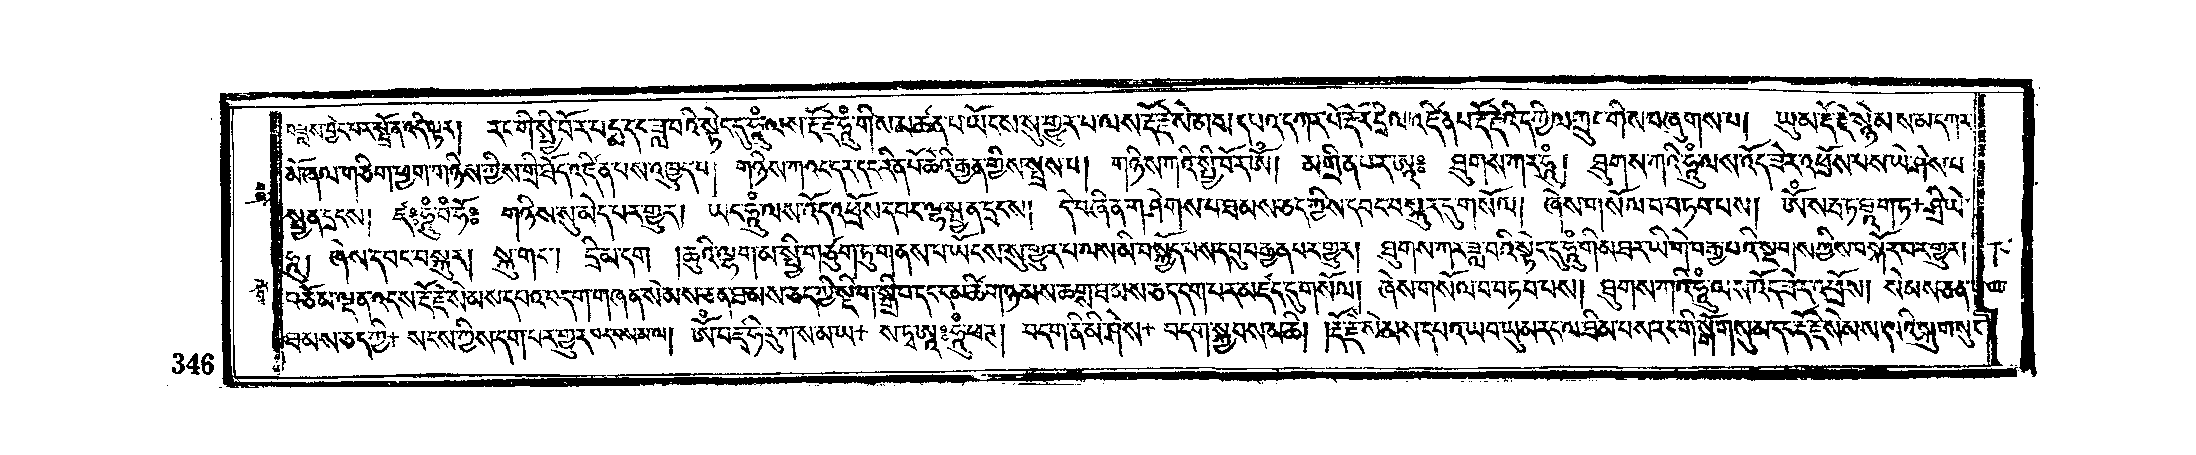བཟླས་བྱེད་པར་སྤྲོན་འདི་ལྟར། རང་གི་སྤྱི་བོར་པདམ་དང་ཟླ་བའི་སྟེང་དུ་ཧཱུཾ་ལས་རྡོ་རྗེ་ཧཱུཾ་གིས་མཚན་པ་ཡོངས་སུ་གྱུར་པ་ལས་རྡོ་རྗེ་སེམས་དཔའ་དཀར་པོ་རྡོར་དྲིལ་འཛིན་པ་རྡོ་རྗེའི་དཀྱིལ་ཀྲུང་གིས་བཞུགས་པ། ཡུམ་རྡོ་རྗེ་སྙེམས་མ་དཀར་
མོ་ཞལ་གཅིག་ཕྱག་གཉིས་ཀྱིས་གྲི་ཐོད་འཛིན་པས་འཁྱུད་པ། གཉིས་ཀའང་དར་དང་རིན་པོ་ཆེའི་རྒྱན་གྱིས་སྤྲས་པ། གཉིས་ཀའི་སྤྱི་བོར་ཨོཾ། མགྲིན་པར་ཨཱཿ ཐུགས་ཀར་ཧཱུཾ། ཐུགས་ཀའི་ཧཱུཾ་ལས་འོད་ཟེར་འཕྲོས་པས་ཡེ་ཤེས་པ་
སྤྱན་དྲངས། ཛཿ ཧཱུཾ་བཾ་ཧོཾཿ གཉིས་སུ་མེད་པར་གྱུར། ཡང་ཧཱུཾ་ལས་འོད་འཕྲོས་དབང་ལྷ་སྤྱན་དྲངས། དེ་བཞིན་གཤེགས་པ་ཐམས་ཅད་ཀྱིས་དབང་བསྐུར་དུ་གསོལ། ཞེས་གསོལ་བ་བཏབ་པས། ཨོཾ་སརྦ་ཏ་ཐཱ་ག་ཏ་+་ཤྲི་ཡེ་
ཧཱུཾ། ཞེས་དབང་བསྐུར། སྐུ་གང་། དྲི་མ་དག །ཆུའི་ལྷག་མ་སྤྱི་གཙུག་ཏུ་གནས་པ་ཡོངས་སུ་གྱུར་པ་ལས་མི་བསྐྱོད་པས་དབུ་བརྒྱན་པར་གྱུར། ཐུགས་ཀར་ཟླ་བའི་སྟེང་དུ་ཧཱུཾ་གི་མཐར་ཡི་གེ་བརྒྱ་པའི་སྔགས་ཀྱིས་བསྐོར་བར་གྱུར།
བཅོམ་ལྡན་འདས་རྡོ་རྗེ་སེམས་དཔའ་བདག་གཞན་སེམས་ཅན་ཐམས་ཅད་ཀྱི་སྡིག་སྒྲིབ་དང་དམ་ཚིག་ཉམས་ཆགས་ཐམས་ཅད་དག་པར་མཛད་དུ་གསོལ། ཞེས་གསོལ་བ་བཏབ་པས། ཐུགས་ཀའི་ཧཱུཾ་ལས་འོད་ཟེར་འཕྲོས། སེམས་ཅན་
ཐམས་ཅད་ཀྱི་+་སངས་ཀྱིས་དག་པར་གྱུར་བར་བསམ་ལ། ཨོཾ་བཛྲ་ཧི་རུ་ཀ་ས་མ་ཡ་+་ས་ཏྭ་ཨཱཿ ཧཱུཾ་ཕཊ། བདག་ནི་མི་ཤེས་+་བདག་སྐྱབས་མཆི། །རྡོ་རྗེ་སེམས་དཔའ་ཡབ་ཡུམ་རང་ལ་ཐིམ་པས་རང་གི་སྒོ་གསུམ་དང་རྡོ་རྗེ་སེམས་དཔའི་སྐུ་གསུང་